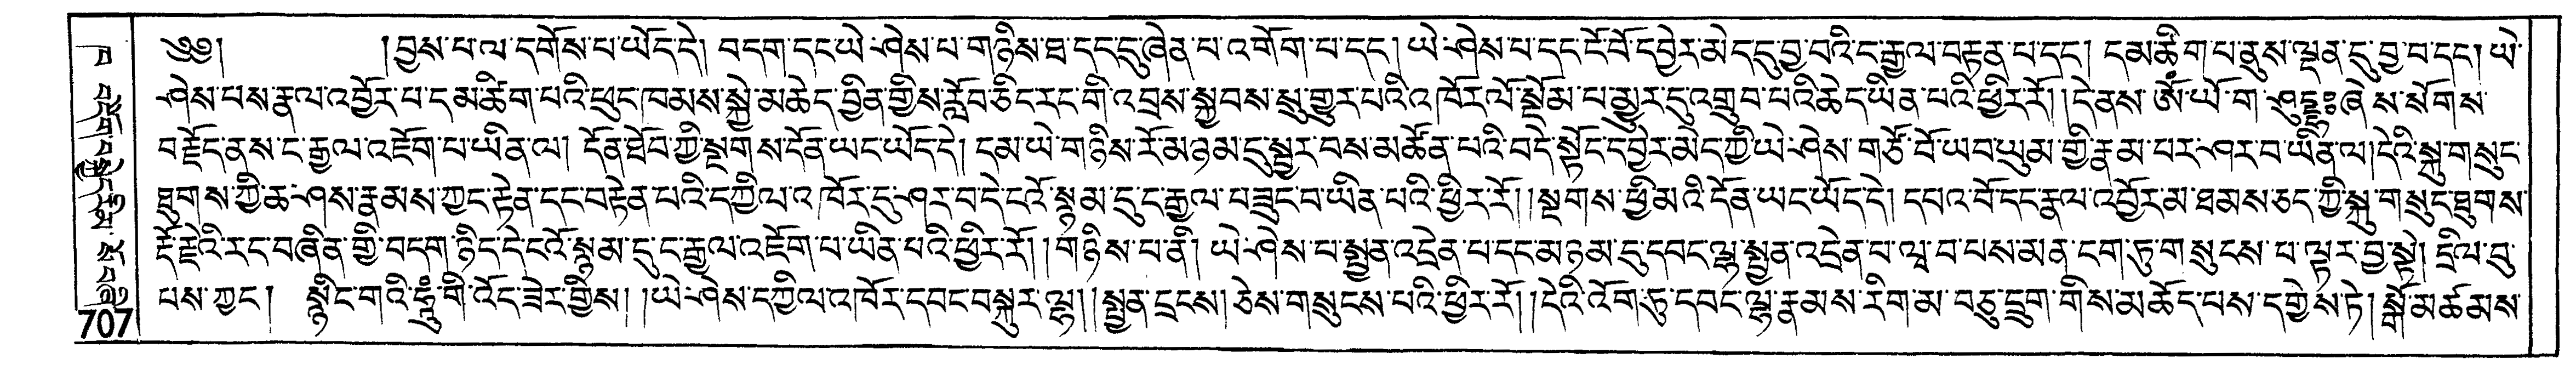༄༅། །བྱས་པ་ལ་དགོས་པ་ཡོད་དེ། བདག་དང་ཡེ་ཤེས་པ་གཉིས་ཐ་དད་དུ་ཞེན་པ་འགོག་པ་དང་། ཡེ་ཤེས་པ་དང་ངོ་བོ་དབྱེར་མེད་དུ་བྱ་བའི་ང་རྒྱལ་བརྟན་པ་དང་། དམ་ཚིག་པ་ནུས་ལྡན་དུ་བྱ་བ་དང་། ཡེ་
ཤེས་པས་རྣལ་འབྱོར་པ་དམ་ཚིག་པའི་ཕུང་ཁམས་སྐྱེ་མཆེད་བྱིན་གྱིས་རློབ་ཅིང་རང་གི་འབྲས་སྐྱབས་སུ་གྱུར་པའི་འཁོར་ལོ་སྡོམ་པ་མྱུར་དུ་འགྲུབ་པའི་ཆེད་ཡིན་པའི་ཕྱིར་རོ། །དེ་ནས་ཨོཾ་ཡོ་ག་ཤུདྡྷཿ ཞེས་སོགས་
བརྗོད་ནས་ང་རྒྱལ་འཇོག་པ་ཡིན་ལ། དོན་ཐོབ་ཀྱི་སྔགས་དོན་ཡང་ཡོད་དེ། དམ་ཡེ་གཉིས་རོ་མཉམ་དུ་སྦྱར་བས་མཚོན་པའི་བདེ་སྟོང་དབྱེར་མེད་ཀྱི་ཡེ་ཤེས་གཙོ་བོ་ཡབ་ཡུམ་གྱི་རྣམ་པར་ཤར་བ་ཡིན་ལ། དེའི་སྐུ་གསུང་
ཐུགས་ཀྱི་ཆ་ཤས་རྣམས་ཀྱང་རྟེན་དང་བརྟེན་པའི་དཀྱིལ་འཁོར་དུ་ཤར་བ་དེ་ངའོ་སྙམ་དུ་ང་རྒྱལ་བཟུང་བ་ཡིན་པའི་ཕྱིར་རོ། །སྔགས་ཕྱི་མའི་དོན་ཡང་ཡོད་དེ། དཔའ་བོ་དང་རྣལ་འབྱོར་མ་ཐམས་ཅད་ཀྱི་སྐུ་གསུང་ཐུགས་
རྡོ་རྗེའི་རང་བཞིན་གྱི་བདག་ཉིད་དེ་ངའོ་སྙམ་དུ་ང་རྒྱལ་འཇོག་པ་ཡིན་པའི་ཕྱིར་རོ། །གཉིས་པ་ནི། ཡེ་ཤེས་པ་སྤྱན་འདྲེན་པ་དང་མཉམ་དུ་དབང་ལྷ་སྤྱན་འདྲེན་པ་ལྭ་བ་པས་མན་ངག་ཏུ་གསུངས་པ་ལྟར་བྱ་སྟེ། དྲིལ་བུ་
པས་ཀྱང་། སྙིང་གའི་ཧཱུཾ་གི་འོད་ཟེར་གྱིས། །ཡེ་ཤེས་དཀྱིལ་འཁོར་དབང་བསྐུར་ལྷ། །སྤྱན་དྲངས། ཅེས་གསུངས་པའི་ཕྱིར་རོ། །དེའི་འོག་ཏུ་དབང་ལྷ་རྣམས་རིག་མ་བཅུ་དྲུག་གིས་མཆོད་པས་དགྱེས་ཏེ། སྒོ་མཚམས་